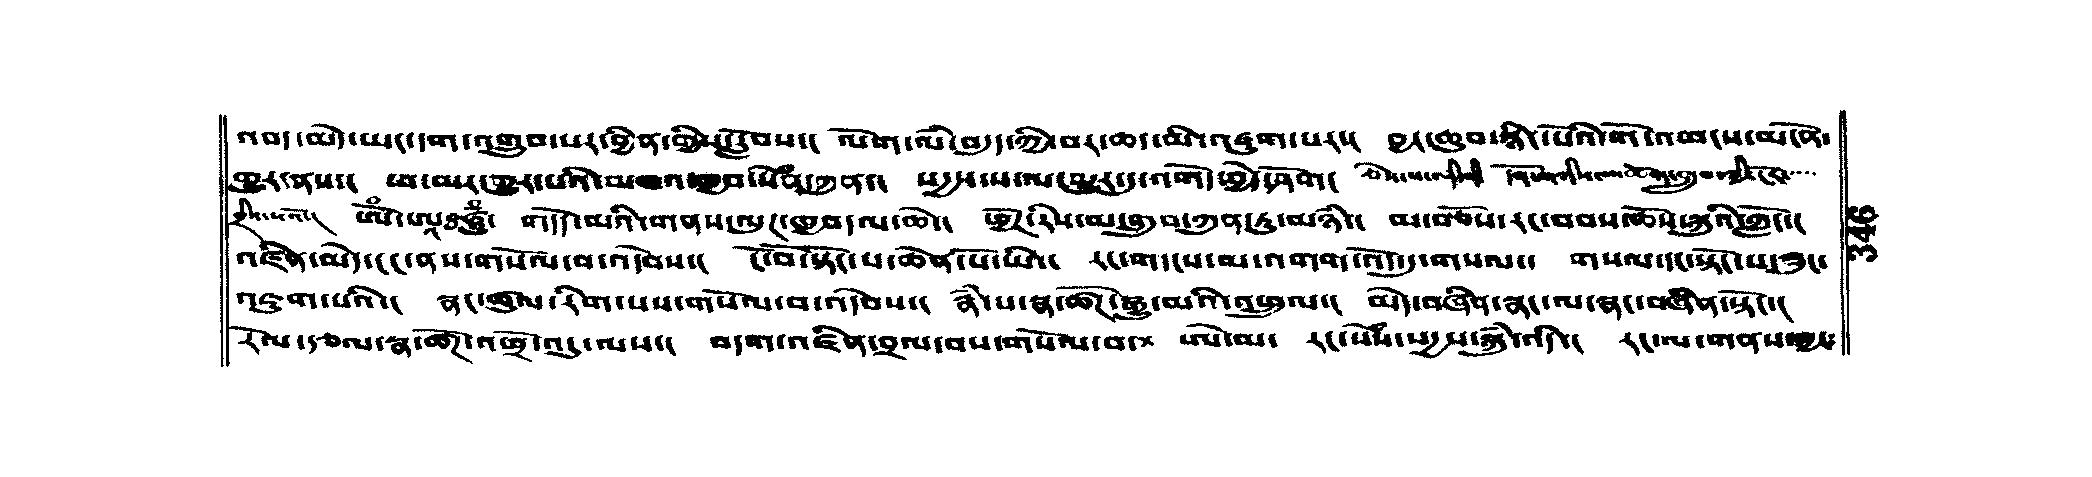།འབད་མེད་ཡང་དག་འགྲུབ་པར་བྱིན་གྱིས་རློབས། །ལོག་ལམ་བདུད་ཀྱི་བར་ཆད་མི་འཇུག་པར། །བྱང་ཆུབ་སྙིང་པོའི་གོ་འཕང་མངོན་
གྱུར་ནས། །ཕ་མར་གྱུར་པའི་མཁའ་ཁྱབ་སེམས་ཅན་ཀུན། །སངས་རྒྱས་ས་ལ་མྱུར་དུ་འགོད་བྱེད་ཤོག ཅེས་པ་འདི་ནི། དོན་གཉིས་མཆོག་གྲུབ་ཀྱི་ངོར་
བྲིས་པའོ།། ཨོཾ་ཨཱཿཧཱུྃ། གདོད་མའི་གནས་ལུགས་ཁྱབ་བདལ་ཆེ། །ཕྱོགས་རིས་མ་གྲུབ་ཀུན་ཏུ་མཉམ། །མ་བཅོས་རང་བབས་ཆོས་སྐུའི་ཀློང་། །
འཛིན་མེད་ངང་ནས་གསོལ་བ་འདེབས། །ངོ་བོ་སྟོང་པ་ཆེན་པོ་ཡི། །རང་གདངས་མ་འགག་འོད་དུ་གསལ། །གསལ་དང་སྟོང་པ་ཟུང་
འཇུག་པའི། །སྣང་ཚུལ་རིག་པས་གསོལ་བ་འདེབས། །རྣམ་པ་སྣ་ཚོགས་སྒྱུ་མའི་འཕྲུལ། །མེད་བཞིན་སྣང་ལ་སྣང་བཞིན་སྟོང་། །
རོལ་རྩལ་སྣ་ཚོགས་འཕྲོ་འདུ་ལས། །བདག་འཛིན་བྲལ་བས་གསོལ་བ༴ཨེ་མ། རང་སེམས་སངས་རྒྱས་སྐུ་གསུམ་འདི། །རང་ལ་གནས་ཀྱང་